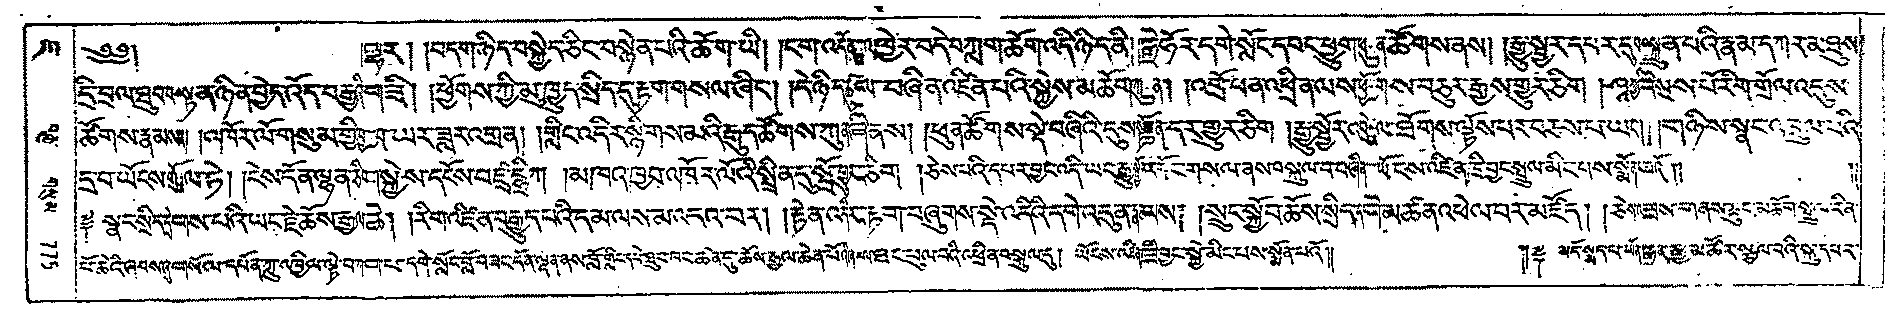༄༅། །ལྷར། །བདག་ཉིད་བསྐྱེད་ཅིང་བསྙེན་པའི་ཆོ་ག་ཡི། །ངག་འདོན་འཁྱེར་བདེ་བཀླག་ཆོག་འདི་ཉིད་ནི། །ཏྲེ་ཧོར་དགེ་སློང་དབང་ཕྱུག་ཕུན་ཚོགས་ནས། །རྒྱུ་སྦྱར་དཔར་དུ་བསྐྲུན་པའི་རྣམ་དཀར་མཐུས། །
དྲི་བྲལ་ཐུབ་བསྟན་ཉིན་བྱེད་འོད་བརྒྱའི་གཟི། །ཕྱོགས་ཀྱི་མུ་ཁྱུད་སྲིད་དུ་རྟག་གསལ་ཞིང་། །དེ་ཉིད་ཚུལ་བཞིན་འཛིན་པའི་སྐྱེས་མཆོག་ཀུན། །འགྲོ་ཕན་འཕྲིན་ལས་ཕྱོགས་བཅུར་རྒྱས་གྱུར་ཅིག །ཤཱཀྱའི་སྲས་པོ་རིག་གྲོལ་འདུས་
ཚོགས་རྣམས། །འཁོར་ལོ་གསུམ་གྱི་བྱ་བ་ཡར་ཟླར་འགྲན། །གླིང་འདིར་སྙིགས་མའི་རྒུད་ཚོགས་ཀུན་ཞི་ནས། །ཕུན་ཚོགས་སྡེ་བཞིའི་དུས་སྟོན་དར་གྱུར་ཅིག །རྒྱུ་སྦྱོར་འབྲེལ་ཐོགས་ལྟོས་པར་བཅས་པ་ཡང་། །གཉིས་སྣང་འཁྲུལ་པའི་
དྲ་བ་ཡོངས་གྲོལ་ཏེ། །ངེས་དོན་ལྷན་ཅིག་སྐྱེས་དངོས་བཛྲ་དྷྲིཀ །མཁའ་ཁྱབ་འཁོར་ལོའི་སྤྲིན་དུ་སྤྲོ་གྱུར་ཅིག ། ཅེས་པའི་དཔར་བྱང་འདི་ཡང་རྒྱུ་སྦྱོར་གོང་གསལ་ནས་བསྐུལ་བ་བཞིན་ཡོངས་འཛིན་ཁྲི་བྱང་སྤྲུལ་མིང་པས་སྨོན་པའོ།།  །།
༈ སྣང་སྲིད་དྲེགས་པའི་ཡང་རྗེ་ཆོས་རྒྱལ་ཆེ། །རིག་འཛིན་བརྒྱུད་པའི་དམ་ལས་མ་འདའ་བར། །རྟེན་འདིར་རྟག་བཞུགས་སྡེ་འདིའི་དགེ་འདུན་རྣམས། །སྲུང་སྐྱོབ་ཆོས་སྲིད་དགེ་མཚན་འཕེལ་བར་མཛོད། །ཅེས་འབྲས་གནས་ཆུང་མཆོག་སྤྲུལ་རིན་
པོ་ཆེའི་ཞབས་ཞུ་གསོལ་དཔོན་ཀླུ་འཁྱིལ་ལྟེ་བ་ཀ་ག་པ་དགེ་སློང་བློ་བཟང་དོན་ལྡན་ནས་བློ་གླིང་དཔེ་ཐུབ་ཁང་ཚན་དུ་ཆོས་རྒྱལ་ཆེན་པོའི་ཞལ་ཐང་ཕུལ་བའི་འཕྲིན་བསྐུལ་དུ། ཡོངས་འཛིན་ཁྲི་བྱང་སྐྱེ་མིང་པས་སྨོན་པའོ།། །།༈ མདོ་སྨད་པ་ཡོན་ཏན་རྒྱ་མཚོར་སྩལ་བའི་སྐུ་དཔར་